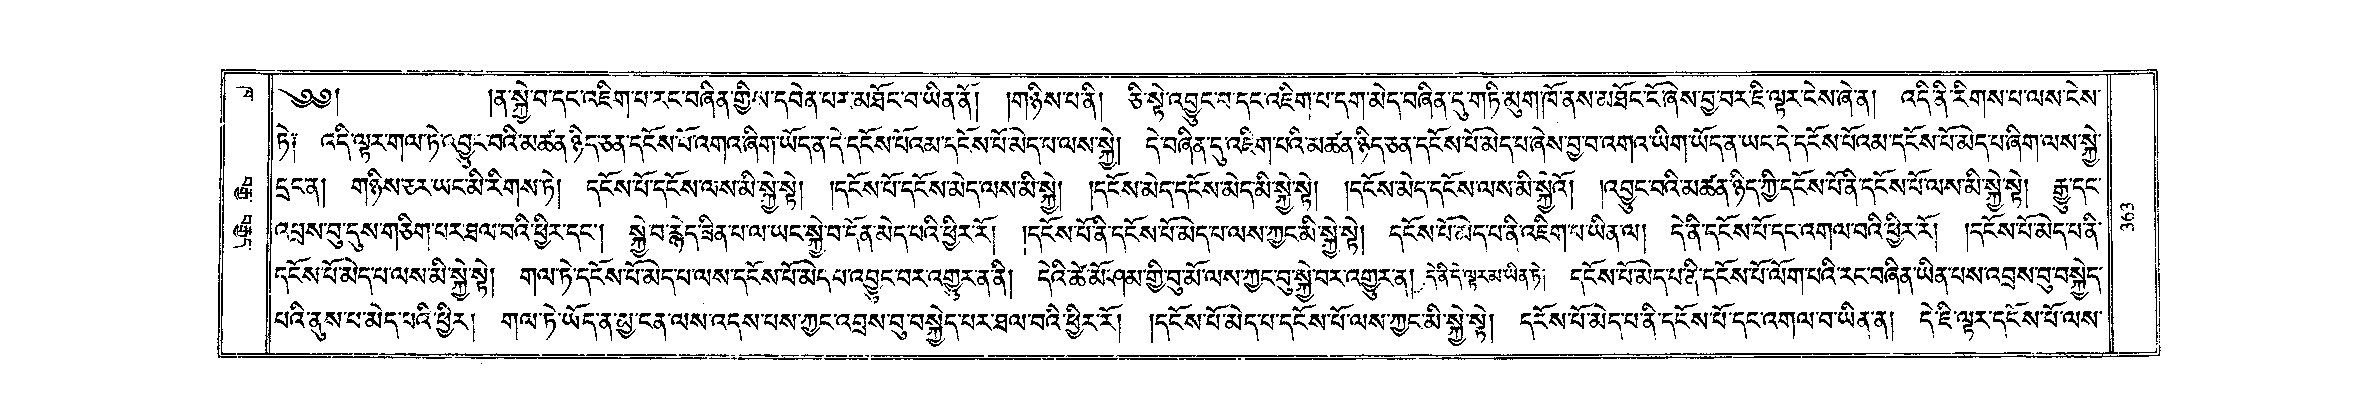༄༅། །ན་སྐྱེ་བ་དང་འཇིག་པ་རང་བཞིན་གྱིས་དབེན་པར་མཐོང་བ་ཡིན་ནོ། །གཉིས་པ་ནི། ཅི་སྟེ་འབྱུང་བ་དང་འཇིག་པ་དག་མེད་བཞིན་དུ་གཏི་མུག་ཁོ་ནས་མཐོང་ངོ་ཞེས་བྱ་བར་ཇི་ལྟར་ངེས་ཞེ་ན། འདི་ནི་རིགས་པ་ལས་ངེས་
ཏེ༑ འདི་ལྟར་གལ་ཏེ་འབྱུང་བའི་མཚན་ཉིད་ཅན་དངོས་པོ་འགའ་ཞིག་ཡོད་ན་དེ་དངོས་པོའམ་དངོས་པོ་མེད་པ་ལས་སྐྱེ། དེ་བཞིན་དུ་འཇིག་པའི་མཚན་ཉིད་ཅན་དངོས་པོ་མེད་པ་ཞེས་བྱ་བ་འགའ་ཡིག་ཡོད་ན་ཡང་དེ་དངོས་པོའམ་དངོས་པོ་མེད་པ་ཞིག་ལས་སྐྱེ་
དྲང་ན། གཉིས་ཅར་ཡང་མི་རིགས་ཏེ། དངོས་པོ་དངོས་ལས་མི་སྐྱེ་སྟེ། །དངོས་པོ་དངོས་མེད་ལས་མི་སྐྱེ། །དངོས་མེད་དངོས་མེད་མི་སྐྱེ་སྟེ། །དངོས་མེད་དངོས་ལས་མི་སྐྱེའོ། །འབྱུང་བའི་མཚན་ཉིད་ཀྱི་དངོས་པོ་ནི་དངོས་པོ་ལས་མི་སྐྱེ་སྟེ། རྒྱུ་དང་
འབྲས་བུ་དུས་གཅིག་པར་ཐལ་བའི་ཕྱིར་དང་། སྐྱེ་བ་རྙེད་ཟིན་པ་ལ་ཡང་སྐྱེ་བ་དོན་མེད་པའི་ཕྱིར་རོ། །དངོས་པོ་ནི་དངོས་པོ་མེད་པ་ལས་ཀྱང་མི་སྐྱེ་སྟེ། དངོས་པོ་མེད་པ་ནི་འཇིག་པ་ཡིན་ལ། དེ་ནི་དངོས་པོ་དང་འགལ་བའི་ཕྱིར་རོ། །དངོས་པོ་མེད་པ་ནི་
དངོས་པོ་མེད་པ་ལས་མི་སྐྱེ་སྟེ། གལ་ཏེ་དངོས་པོ་མེད་པ་ལས་དངོས་པོ་མེད་པ་འབྱུང་བར་འགྱུར་ན་ནི། དེའི་ཚེ་མོ་ཤམ་གྱི་བུ་མོ་ལས་ཀྱང་བུ་སྐྱེ་བར་འགྱུར་ན། དེ་ནི་དེ་ལྟར་མ་ཡིན་ཏེ།  དངོས་པོ་མེད་པ་ནི་དངོས་པོ་ལོག་པའི་རང་བཞིན་ཡིན་པས་འབྲས་བུ་བསྐྱེད་
པའི་ནུས་པ་མེད་པའི་ཕྱིར། གལ་ཏེ་ཡོད་ན་མྱ་ངན་ལས་འདས་པས་ཀྱང་འབྲས་བུ་བསྐྱེད་པར་ཐལ་བའི་ཕྱིར་རོ། །དངོས་པོ་མེད་པ་དངོས་པོ་ལས་ཀྱང་མི་སྐྱེ་སྟེ། དངོས་པོ་མེད་པ་ནི་དངོས་པོ་དང་འགལ་བ་ཡིན་ན། དེ་ཇི་ལྟར་དངོས་པོ་ལས་